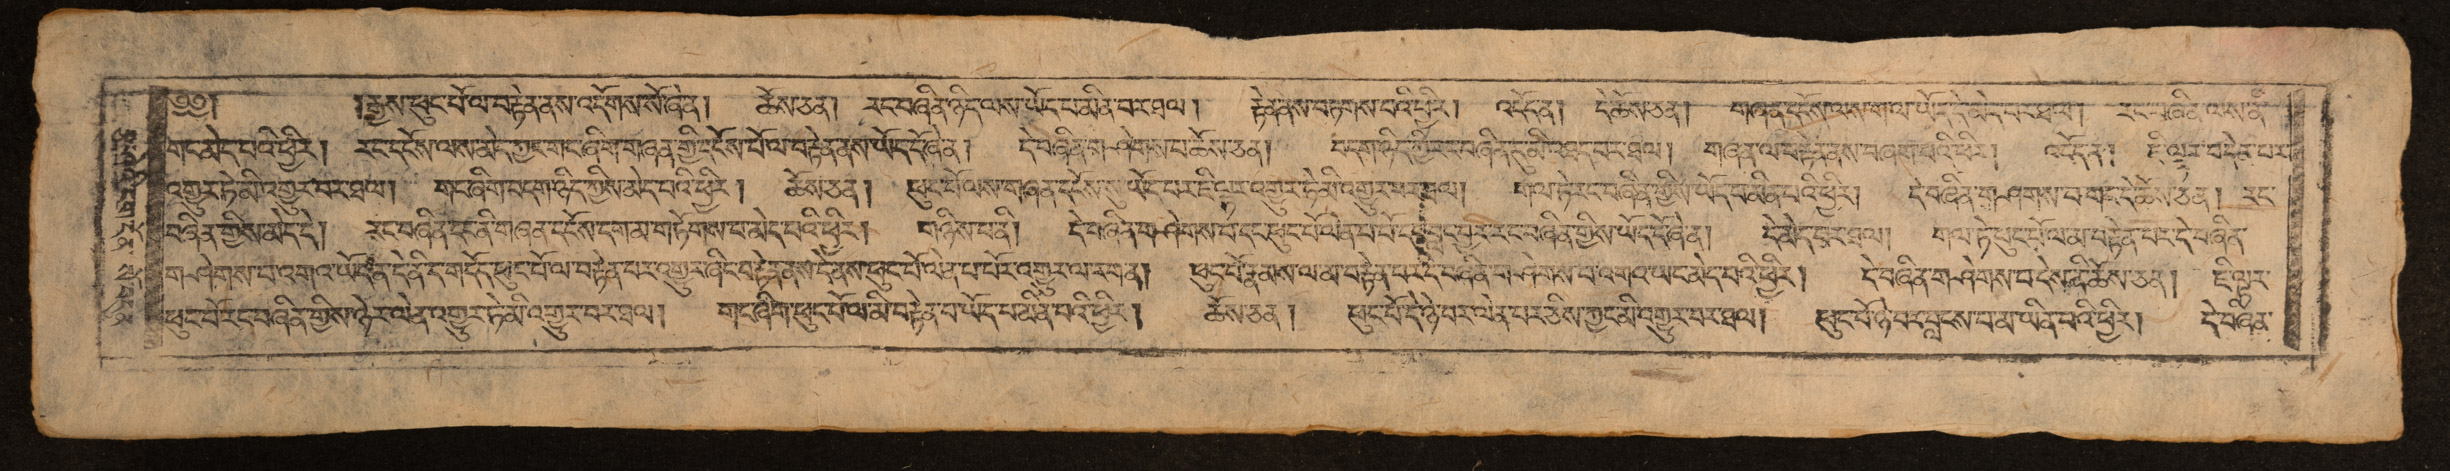༄༅། །རྒྱས་ཕུང་པོ་ལ་བརྟེན་ནས་འདོགས་སོ་ཞེ་ན། ཆོས་ཅན། རང་བཞིན་ཉིད་ལས་ཡོད་པ་མིན་པར་ཐལ། རྟེན་ནས་བཏགས་པའི་ཕྱིར། འདོད་ན། དེ་ཆོས་ཅན། གཞན་དངོས་ལས་ག་ལ་ཡོད་དེ་མེད་པར་ཐལ། རང་བཞིན་ལས་ནི་
གང་མེད་པའི་ཕྱིར། རང་དངོས་ལས་མེད་ཀྱང་གང་ཞིག་གཞན་གྱི་དངོས་པོ་ལ་བརྟེན་ནས་ཡོད་དོ་ཞེ་ན། དེ་བཞིན་གཤེགས་པ་ཆོས་ཅན། བདག་ཉིད་ཀྱི་རང་བཞིན་དུ་མི་འཐད་པར་ཐལ། གཞན་ལ་བརྟེན་ནས་བཞག་པའི་ཕྱིར། འདོད་ན། ཇི་ལྟར་བདེན་པར་
འགྱུར་ཏེ་མི་འགྱུར་བར་ཐལ། གང་ཞིག་བདག་ཉིད་ཀྱིས་མེད་པའི་ཕྱིར། ཆོས་ཅན། ཕུང་པོ་ལས་གཞན་དངོས་སུ་ཡོད་པར་ཇི་ལྟར་འགྱུར་ཏེ་མི་འགྱུར་བར་ཐལ། གལ་ཏེ་རང་བཞིན་གྱིས་ཡོད་པ་མིན་པའི་ཕྱིར། དེ་བཞིན་གཤེགས་པ་གང་དེ་ཆོས་ཅན། རང་
བཞིན་གྱིས་མེད་དེ། རང་བཞིན་དང་ནི་གཞན་དངོས་དག་མ་གཏོགས་པ་མེད་པའི་ཕྱིར། གཉིས་པ་ནི། དེ་བཞིན་གཤེགས་པ་དང་ཕུང་པོ་ལེན་པ་པོ་དང་བླང་བྱར་རང་བཞིན་གྱིས་ཡོད་དོ་ཞེ་ན། དེ་མེད་པར་ཐལ། གལ་ཏེ་ཕུང་པོ་ལ་མ་བརྟེན་པར་དེ་བཞིན་
གཤེགས་པ་འགའ་ཡོད་ན་དེ་ནི་ད་གདོད་ཕུང་པོ་ལ་བརྟེན་པར་འགྱུར་ཞིང་བརྟེན་ནས་དེ་ནས་ཕུང་པོ་ལེན་པ་པོར་འགྱུར་ལ་རག་ན། ཕུང་པོ་རྣམས་ལ་མ་བརྟེན་པར་དེ་བཞིན་གཤེགས་པ་འགའ་ཡང་མེད་པའི་ཕྱིར། དེ་བཞིན་གཤེགས་པ་དེས་ནི་ཆོས་ཅན། ཇི་ལྟར་
ཕུང་པོ་རང་བཞིན་གྱིས་ཉེར་ལེན་འགྱུར་ཏེ་མི་འགྱུར་བར་ཐལ། གང་ཞིག་ཕུང་པོ་ལ་མི་བརྟེན་པ་ཡོད་པ་མིན་པའི་ཕྱིར། ཆོས་ཅན། ཕུང་པོ་དེ་ཉེ་བར་ལེན་པར་ཅིས་ཀྱང་མི་འགྱུར་བར་ཐལ། ཕུང་པོ་ཉེ་བར་བླངས་པ་མ་ཡིན་པའི་ཕྱིར། དེ་བཞིན་